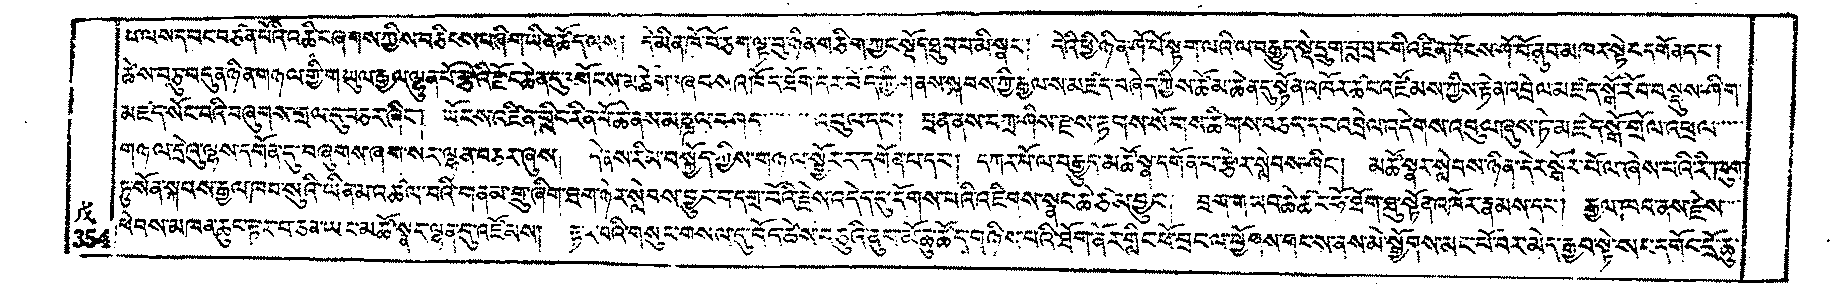པ་ལས་དབང་བཙན་པོའི་འཆིང་ཞགས་ཀྱིས་བཅིངས་པ་ཞིག་ཡིན་ཚོད་ལས། དེ་མིན་ཁོ་བོ་ཅག་ལྟ་བུ་ཉིན་གཅིག་ཀྱང་སྡོད་ཐུབ་པ་མི་སྣང་། དེའི་ཕཡཀ༈ཉིན་ས་གི་འཛིན་ཁོངས་ཤོ་པོ་ནུབ་མཁར་སྟེང་དགོན་དང་།
ཚེས་བཅུ་བདུན་ཉིན་གཉལ་གྱི་གཡུལ་རྒྱལ་ལྷུན་པོ་རྩེའི་རྫོང་ཆེན་དུ་༧གོང་ས་མཆོག་༧ཞབས་འཁོད་ཐོག་དེར་བོད་ཀྱི་གནས་སྐབས་ཀྱི་རྒྱལ་ས་མཛད་བཞེད་ཀྱིས་ཚོམ་ཆེན་དུ་སྟོན་འཁོར་ཚང་འཛོམས་ཀྱིས་རྟེན་འབྲེལ་མཛད་སྒོ་རོབ་བསྡུས་ཤིག་
མཛད་སོང་བའི་བཞུགས་གྲལ་དུ་བཅར་ཞིང་། ཡོངས་འཛིན་གླིང་རིན་པོ་ཆེ་ནས་མཎྜལ་བཤད་འབུལ་དང་། ཕྲན་ནས་བཀྲ་ཤིས་རྫས་རྟགས་སོགས་ཚིགས་བཅད་དང་འབྲེལ་འདེགས་འབུལ་ཞུས་ཏེ་མཛད་སྒོ་གྲོལ་འཕྲལ་
གཉལ་དྲེའུ་ལྷས་དགོན་དུ་བཞུགས་ཞག་སར་ལྷན་བཅར་ཞུས། དེ་ནས་རིམ་བསྐྱོད་ཀྱིས་གཉལ་སྦྱོར་ར་དགོན་པ་དང་། དཀར་པོ་ལ་བརྒྱུད་མཚོ་སྣ་དགོན་པ་རྩེར་སླེབས་ཤིང་། མཚོ་སྣར་སླེབས་ཉིན་དེར་སྒོར་པོ་ལ་ཞེས་པའི་རི་ཁུག་
ཏུ་སོན་སྐབས་རྒྱལ་ཁབ་སུའི་ཡིན་མ་འཚལ་བའི་གནམ་གྲུ་ཞིག་ཐག་ཉེར་སླེབས་བྱུང་བ་དགྲ་བོའི་རྗེས་འདེད་དུ་དོགས་པའི་འཇིགས་སྣང་ཆེ་ཙམ་བྱུང་། བྲག་གཡབ་ཆེ་ཚང་ཧོ་ཐོག་ཐུ་སྟོན་འཁོར་རྣམས་དང་། རྒྱལ་ཁབ་ནས་རྗེས་
ཕེབས་མཁན་ཆུང་རྟ་ར་བ་ཅན་ཡང་མཚོ་སྣར་ལྷན་དུ་འཛོམས། རྟར་བའི་གསུང་གསལ་དུ་བོད་ཚེས་བཅུའི་ནུབ་མོ་ཆུ་ཚོད་གཉིས་པའི་ཐོག་ནོར་གླིང་ཕོ་བྲང་ལ་ཕྱོགས་གང་ས་ནས་མེ་སྒྱོགས་མང་པོ་བར་མེད་རྒྱབ་སྟེ་སང་དགོང་དྲོ་ཆུ་